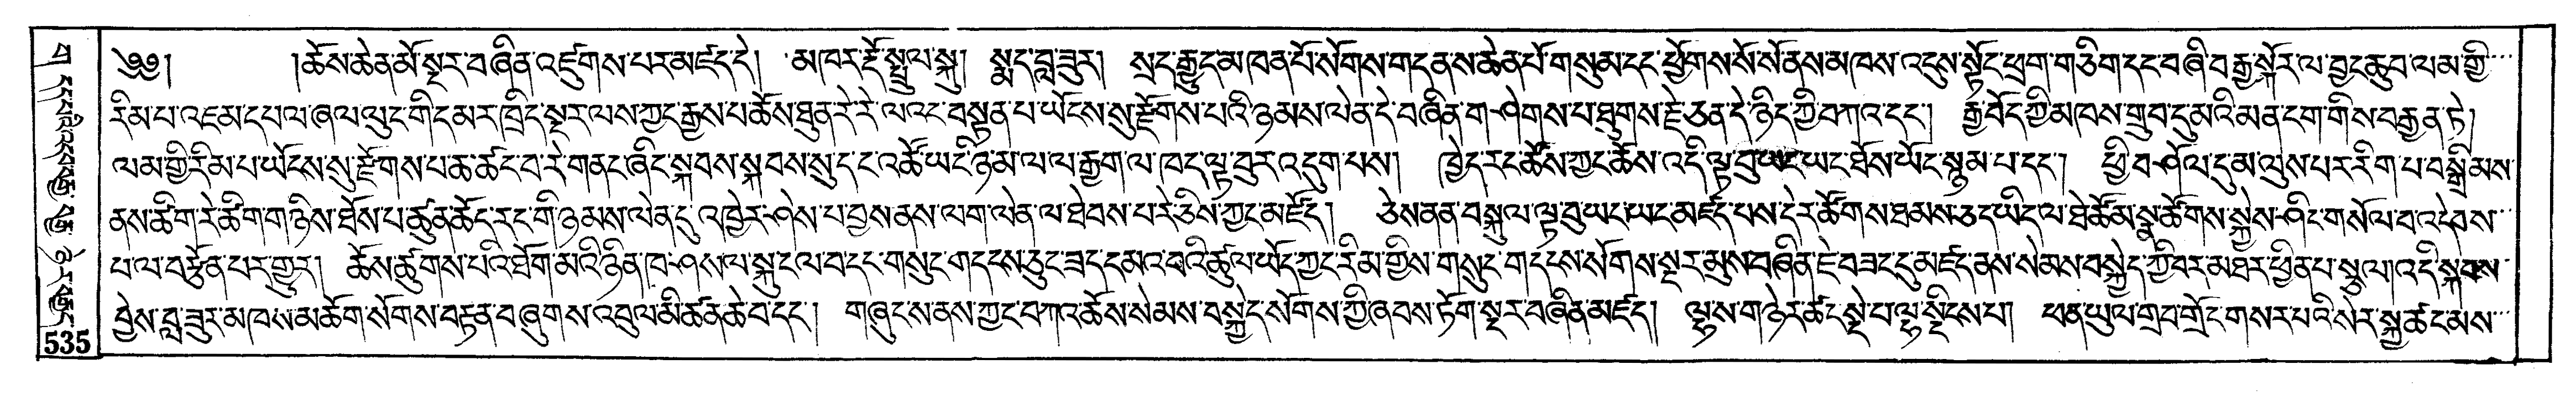༄༅། །ཆོས་ཆེན་མོ་སྔར་བཞིན་འཛུགས་པར་མཛད་དེ། མཁར་རྡོ་སྤྲུལ་སྐུ། སྨད་བླ་ཟུར། སྲད་རྒྱུད་མཁན་པོ་སོགས་གདན་ས་ཆེན་པོ་གསུམ་དང་ཕྱོགས་སོ་སོ་ནས་མཁས་འདུས་སྟོང་ཕྲག་གཅིག་དང་བཞི་བརྒྱ་སྐོར་ལ་བྱང་ཆུབ་ལམ་གྱི་
རིམ་པ་འཇམ་དཔལ་ཞལ་ལུང་གི་དམར་ཁྲིད་སྔར་ལས་ཀྱང་རྒྱས་པ་ཆོས་ཐུན་རེ་རེ་ལའང་བསྟན་པ་ཡོངས་སུ་རྫོགས་པའི་ཉམས་ལེན་དེ་བཞིན་གཤེགས་པ་ཐུགས་རྗེ་ཅན་དེ་ཉིད་ཀྱིས་བཀའ་དང་། རྒྱ་བོད་ཀྱི་མཁས་གྲུབ་དུ་མའི་མན་ངག་གིས་བརྒྱན་ཏེ།
ལམ་གྱི་རིམ་པ་ཡོངས་སུ་རྫོགས་པ་ཆ་ཚང་བ་རེ་གནང་ཞིང་སྐབས་སྐབས་སུ་ད་ང་འཆོ་ཡང་ཉི་མ་ལ་ལ་རྒྱག་ལ་ཁད་ལྟ་བུར་འདུག་པས། ཁྱེད་རང་ཆོས་ཀྱང་ཆོས་འདི་ལྟ་བུ་ཡང་ཡང་ཐོས་ཡོང་སྙམ་པ་དང་། ཕྱི་བཤོལ་དུ་མ་ལུས་པར་རིག་པ་བསྒྲིམས་
ནས་ཚིག་རེ་ཚིག་གཉིས་ཐོས་བ་ཚུན་ཆོད་རང་གི་ཉམས་ལེན་དུ་འཁྱེར་ཤེས་པ་བྱས་ནས་ལག་ལེན་ལ་ཐེབས་པར་ཅིས་ཀྱང་མཛོད། ཅེས་ནན་བསྐུལ་ལྟ་བུ་ཡང་ཡང་མཛད་པས་དེར་ཚོགས་ཐམས་ཅད་ཡིད་ལ་ཐེ་ཚོམ་སྣ་ཚོགས་སྐྱེས་ཤིང་གསོལ་བ་འདེབས་
པ་ལ་བརྩོན་པར་གྱུར། ཆོས་ཚུགས་པའི་ཐོག་མའི་ཉིན་ཁ་ཤས་ལ་སྐུ་ངལ་བ་དང་གསུང་གདངས་ཅུང་ཟད་དམའ་བའི་ཚུལ་ཡོད་ཀྱང་རིམ་གྱིས་གསུང་གདངས་སོགས་སྔར་མུས་བཞིན་ཇེ་བཟང་དུ་མཛད་ནས་སེམས་བསྐྱེད་ཀྱི་བར་མཐར་ཕྱིན་པ་སྩལ། འདི་སྐབས་
བྱེས་བླ་ཟུར་མཁས་མཆོག་སོགས་བརྟན་བཞུགས་འབུལ་མི་ཚན་ཆེ་བ་དང་། གཞུངས་ནས་ཀྱང་བཀའ་ཆོས་སེམས་བསྐྱེད་སོགས་ཀྱི་ཞབས་ཏོག་སྔར་བཞིན་མཛད། ལྷ་ས་གཉེར་ཚང་སྡེ་པ་ལྷ་སྡིངས་པ། ཕན་ཡུལ་གྲབ་གྲོང་གསར་པའི་སེར་སྐྱ་ཚང་མས་